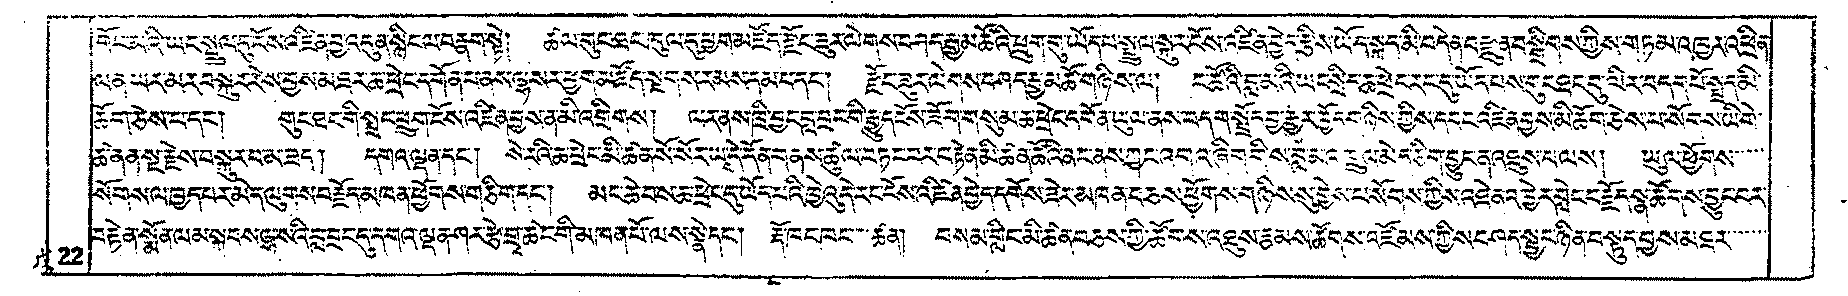གོང་མའི་ཡང་སྤྲུལ་དུ་ངོས་འཛིན་བྱ་འདུན་སྙིང་ལ་བརྣག་སྟེ། ཚལ་གུང་ཐང་ཁུལ་དུ་ཕྱག་མཛོད་རྫོང་ཟུར་ལེགས་བཤད་རྒྱ་མཚོའི་ཕྲུག་གུ་ཡོད་པ་སྤྲུལ་སྐུར་ངོས་འཛིན་བྱེད་རྩིས་ཡོད་སྐད་མི་བདེན་བརྫུན་བསྒྲིགས་ཀྱིས་གཏམ་འཁྱར་འཕྲིན་
ལན་ཡར་མར་བསྐུར་རེས་བྱས་མཐར་ཆ་ཕྲེང་དགོན་པ་ནས་ལྷ་སར་ཕྱག་མཛོད་སྔགས་རམས་དམ་པ་དང་། རྫོང་ཟུར་ལེགས་བཤད་རྒྱ་མཚོ་གཉིས་ལ། ང་ཚོའི་བླ་མའི་ཡང་སྲིད་ཆ་ཕྲེང་རང་དུ་ཡོད་པས་གུང་ཐང་བུ་ལིར་བདག་པོ་སྤྲད་མི་
ཆོག་ཅེས་པ་དང་། གུང་ཐང་གི་སྤྲང་ཕྲུག་ངོས་འཛིན་བྱས་ན་མི་འགྲིགས། ལར་ནས་ཁྲི་བྱང་བླ་བྲང་གི་རྒྱུ་དངོས་ཟོག་གསུམ་ཆ་ཕྲེང་དགོན་ཡུལ་ནས་བདག་སྤྲོད་བྱ་རྒྱུར་ཁྱོད་གཉིས་ཀྱིས་དབང་འཛིན་བྱས་མི་ཆོག་ཅེས་པ་སོགས་ཡི་གེ་
ཚ་ནན་སྔ་རྗེས་བསྐུར་བ་མ་ཟད། དགའ་ལྡན་དང་། སེ་རའི་ཆ་ཕྲེང་མི་ཚན་སོ་སོར་ཡང་དེ་དོན་གནས་ཚུལ་བཏང་བར་བརྟེན་མི་ཚན་ཚོའི་ནང་ནས་ཀྱང་འགའ་ཞིག་གིས་བླ་མ་འཁྲུལ་མེད་ཅིག་བྱུང་ན་འཐུས་པ་ལས། ཡུལ་ཕྱོགས་
སོགས་ལ་ཁྱད་པར་མེད་ལུགས་བརྗོད་མཁན་ཕྱོགས་གཅིག་དང་། མང་ཆེ་བས་ཆ་ཕྲེང་དུ་ཡོད་པའི་ཁྱེའུ་དེ་རང་ངོས་འཛིན་བྱེད་དགོས་ཟེར་མཁན་བཅས་ཕྱོགས་གཉིས་སུ་གྱེས་པ་སོགས་ཀྱིས་འཐེན་འཁྱེར་གླེང་བརྗོད་སྣ་ཚོགས་བྱུང་བར་
བརྟེན་སྨོན་ལམ་སྐབས་ལྷ་སའི་བླ་བྲང་དུ་དགའ་ལྡན་ཤར་རྩེ་གྲྭ་ཚང་གི་མཁན་པོ་ལས་སྣེ་དང་། རྡོ་ཁང་ཁང་ཚན། བསམ་གླིང་མི་ཚན་བཅས་ཀྱི་ཚོགས་འཐུས་རྣམས་ཚོགས་འཛོམས་ཀྱིས་བཤད་སྦྱང་ཉིན་བསྟུད་བྱས་མཐར་